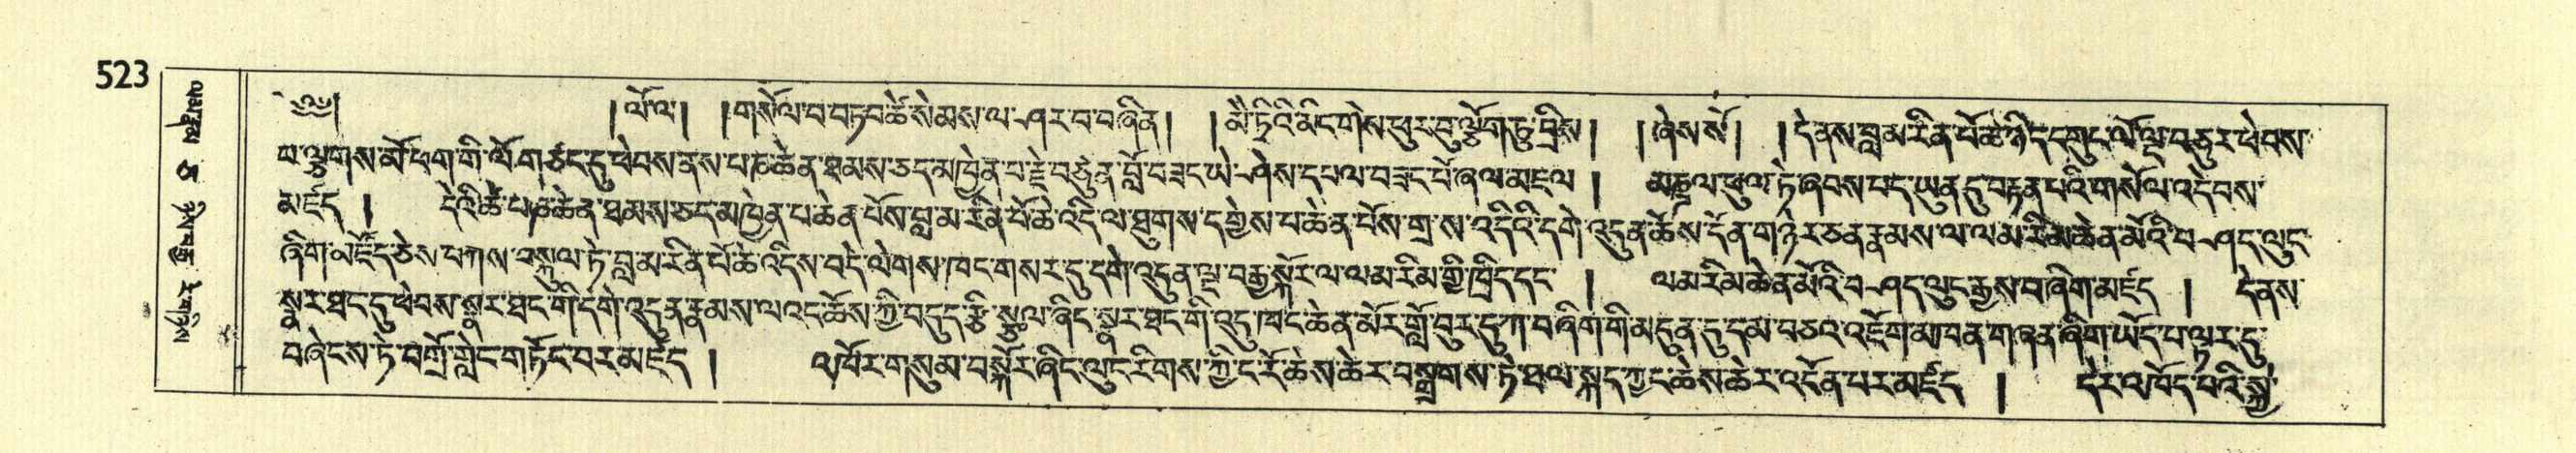༄༅། །ལོ་ལ། །གསོལ་བ་བཏབ་ཚེ་སེམས་ལ་ཤར་བ་བཞིན། །མཻ་ཏྲིའི་མིང་གེས་ཕུར་བུ་ལྕོག་ཏུ་བྲིས། །ཞེས་སོ། །དེ་ནས་བླ་མ་རིན་པོ་ཆེ་ཉིད་དགུང་ལོ་ལྔ་བཅུར་ཕེབས་
པ་ལྕགས་མོ་ཕག་གི་ལོ་གཙང་དུ་ཕེབས་ནས་པཎ་ཆེན་ཐམས་ཅད་མཁྱེན་པ་རྗེ་བཙུན་བློ་བཟང་ཡེ་ཤེས་དཔལ་བཟང་པོ་ཞལ་མཇལ། མཎྜལ་ཕུལ་ཏེ་ཞབས་པད་ཡུན་དུ་བརྟན་པའི་གསོལ་འདེབས་
མཛད། དེའི་ཚེ་པཎ་ཆེན་ཐམས་ཅད་མཁྱེན་པ་ཆེན་པོས་བླ་མ་རིན་པོ་ཆེ་འདི་ལ་ཐུགས་དགྱེས་པ་ཆེན་པོས་གྲ་ས་འདིའི་དགེ་འདུན་ཆོས་དོན་གཉེར་ཅན་རྣམས་ལ་ལམ་རིམ་ཆེན་མོའི་བཤད་ལུང་
ཞིག་མཛོད་ཅེས་བཀས་བསྐུལ་ཏེ་བླ་མ་རིན་པོ་ཆེ་འདིས་བདེ་ལེགས་ཁང་གསར་དུ་དགེ་འདུན་ལྔ་བརྒྱ་སྐོར་ལ་ལམ་རིམ་གྱི་ཁྲིད་དང་། ལམ་རིམ་ཆེན་མོའི་བཤད་ལུང་རྒྱས་བ་ཞིག་མཛད། དེ་ནས་
སྣར་ཐང་དུ་ཕེབས་སྣར་ཐང་གི་དགེ་འདུན་རྣམས་ལའང་ཆོས་ཀྱི་བདུད་རྩི་སྩལ་ཞིང་སྣར་ཐང་གི་འདུ་ཁང་ཆེན་མོར་གློ་བུར་དུ་ཀ་བ་ཞིག་གི་མདུན་དུ་དམ་བཅའ་འཇོག་མཁན་གཞན་ཞིག་ཡོད་པ་ལྟར་དུ་
བཞེངས་ཏེ་བགྲོ་གླེང་གཏོང་བར་མཛད། འཁོར་གསུམ་བསྐོར་ཞིང་ལུང་རིགས་ཀྱི་ང་རོ་ཆེས་ཆེར་བསྒྲགས་ཏེ་ཐལ་སྐད་ཀྱང་ཆེས་ཆེར་འདོན་པར་མཛད། །དེར་འཁོད་པའི་སྐྱེ་